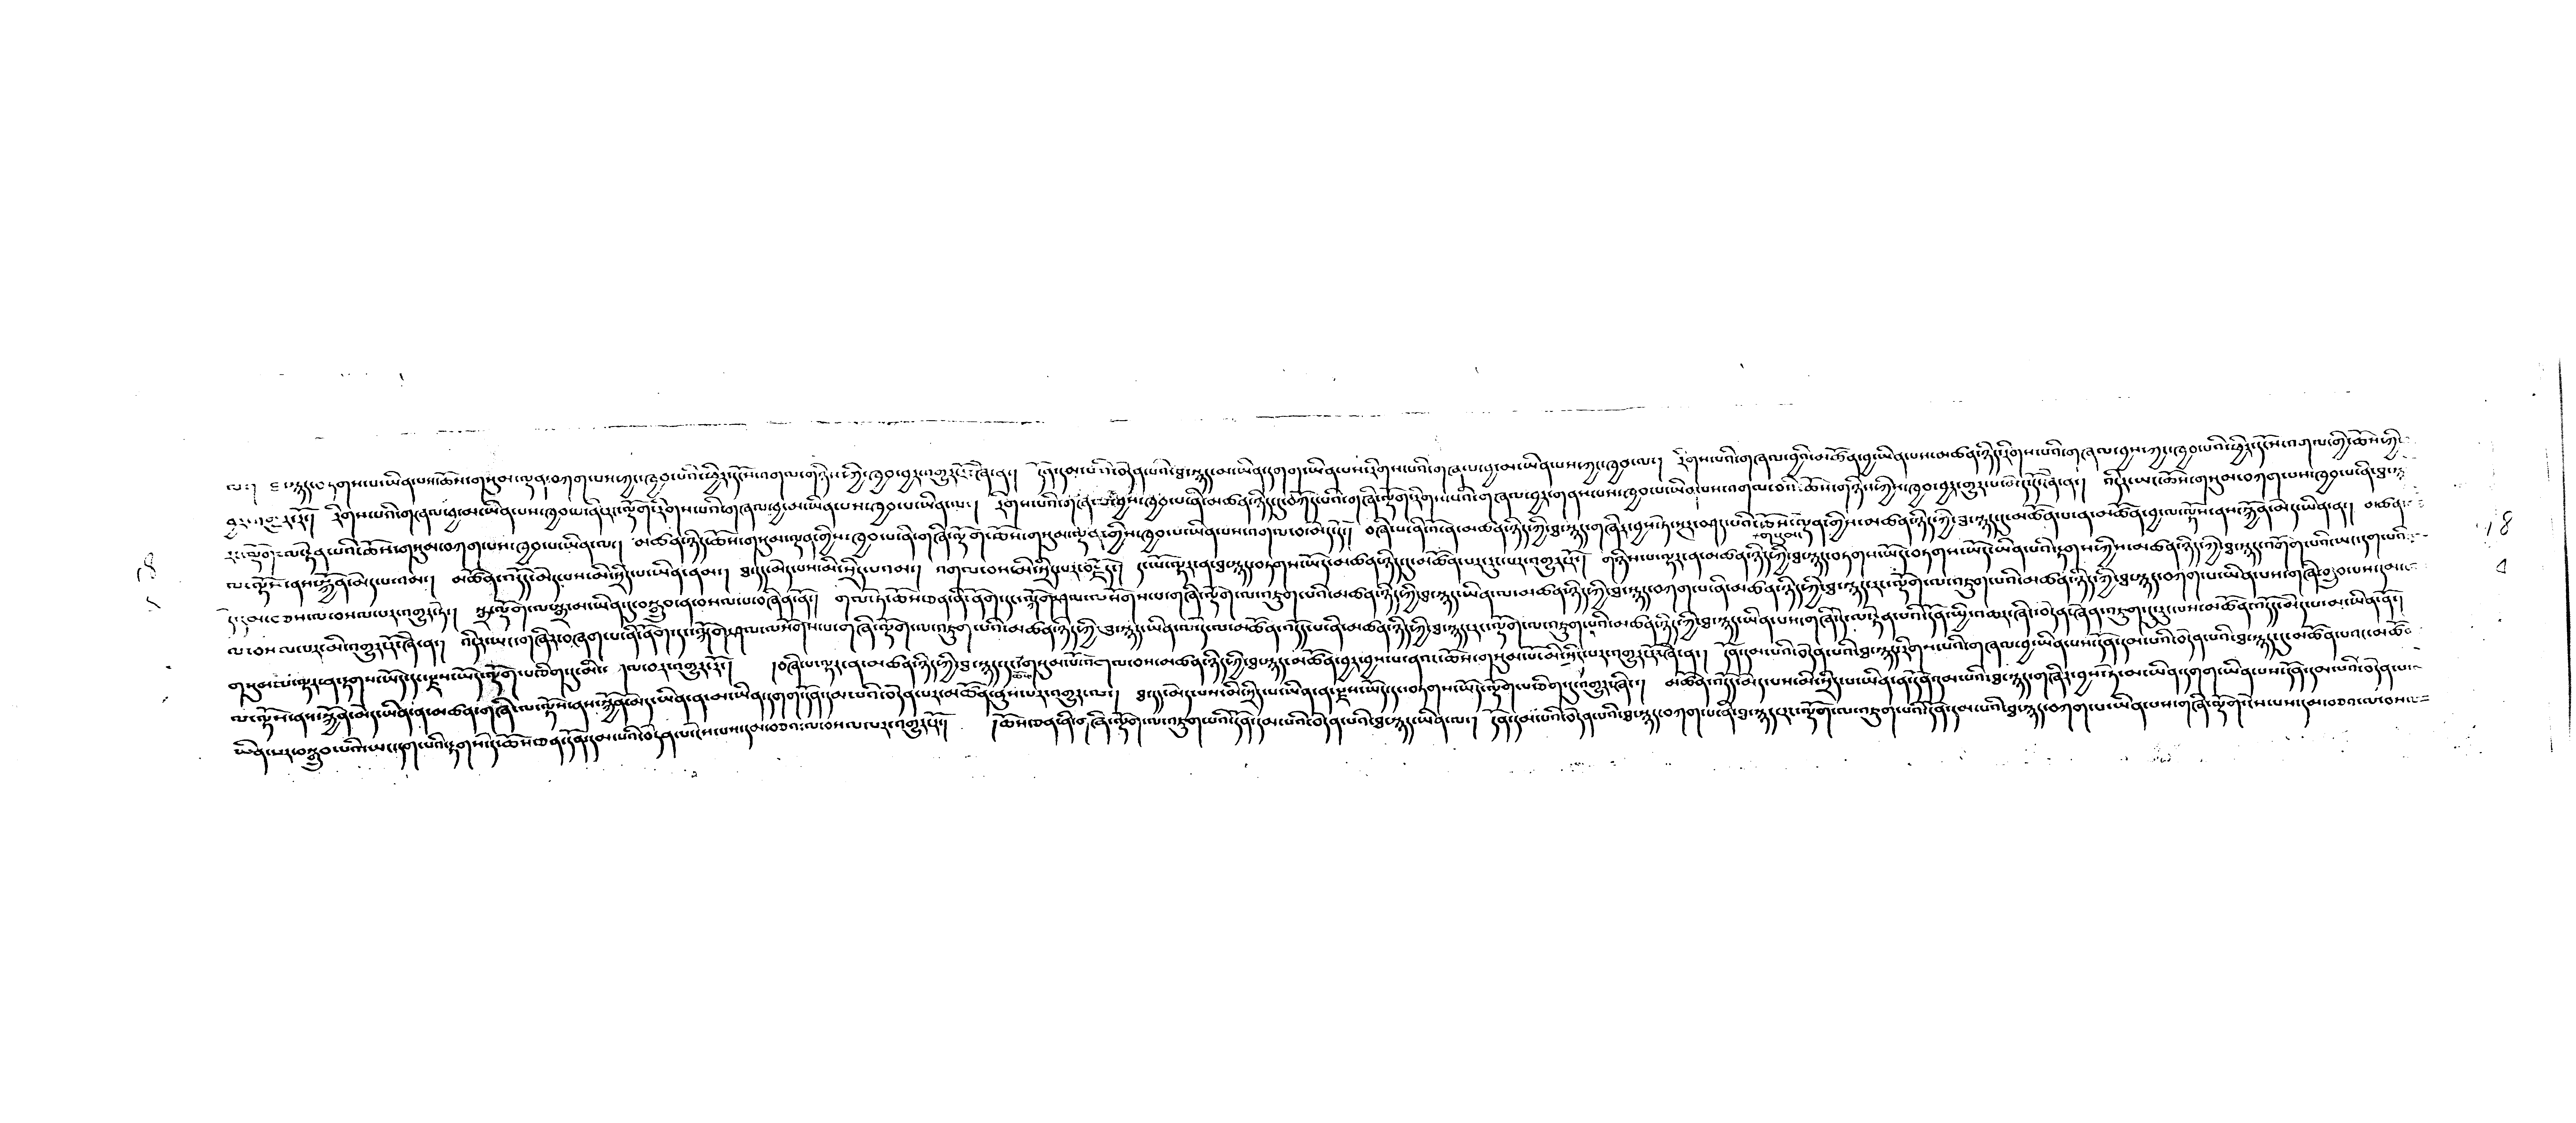ལ། ཐ་སྙད་བཏགས་པ་ཡིན་པས་ཆོས་གསུམ་ལྡན་བཀག་པས་ཀྱང་ཁྱབ་པའི་ཕྱིར་དངོས་འགལ་གཉིས་ཀྱི་ཁྱབ་བྱར་འགྱུར་རོ་ཞེ་ན། དོན་དམ་པའི་བདེན་པའི་ཐ་སྙད་མ་ཡིན་དགག་ཡིན་པས་རིགས་པའི་གཞལ་བྱ་མ་ཡིན་པས་ཀྱང་ཁྱབ་ལ། རིགས་པའི་གཞལ་བྱའི་མཚོན་བྱ་ཡིན་པས་མཚན་ཉིད་རིགས་པའི་གཞལ་བྱས་ཀྱང་ཁྱབ་པའི་ཕྱིར་དངོས་འགལ་གྱི་ཆོས་ཀྱི་
བྱར་འགྱུར་རོ། རིགས་པའི་གཞལ་བྱ་མ་ཡིན་པས་ཁྱབ་པ་ནི་རང་ལྡོག་རིགས་པའི་གཞལ་བྱ་མ་ཡིན་པས་ཁྱབ་པ་ཡིན་ལ། རིགས་པའི་གཞལ་བྱས་ཁྱབ་པ་ནི་མཚན་ཉིད་དུ་བཀོད་པའི་གཞི་ལྡོག་རིགས་པའི་གཞལ་བྱར་གནས་པས་ཁྱབ་པ་ཡིན་པས་འགལ་བའི་ཆོས་གཉིས་ཀྱིས་ཁྱབ་བྱར་གྱུར་པ་མེད་དོ་ཞེ་ན། འདིར་ཡང་ཆོས་གསུམ་བཀག་པས་ཁྱབ་པ་ནི་ཐ་སྙད་
རང་ལྡོག་མ་རྟེན་པའི་ཆོས་གསུམ་བཀག་པས་ཁྱབ་པ་ཡིན་ལ། མཚན་ཉིད་ཆོས་གསུམ་ལྡན་གྱིས་ཁྱབ་པ་ནི་གཞི་ལྡོག་ཆོས་གསུམ་ལྡན་གྱིས་ཁྱབ་པ་ཡིན་པས་འགལ་བ་མེད་དོ། བཞི་པ་ནི་འོ་ན་མཚན་ཉིད་ཀྱི་ཐ་སྙད་གཞིར་བྱས་ཏེ་སྔར་བཤད་པའི་ཆོས་གསུམ་ལྡན་གྱིས་མཚན་ཉིད་ཀྱི་ཐ་སྙད་དུ་མཚོན་པ་ན་མཚོན་བྱ་ལ་ལྟོས་ནས་སྐྱོན་མེད་ཡིན་ན། མཚན་
ལ་ལྟོས་ནས་སྐྱོན་མེད་པ་འམ། མཚོན་འདོད་མེད་པས་མི་སྲིད་པ་ཡིན་ནམ། ཐ་དད་མེད་པས་མི་སྲིད་པའམ། འགལ་བས་མི་སྲིད་པར་བརྗོད། དང་པོ་ལྟོར་ན་ཐ་བསྙད་བཏགས་ཡོད་མཚན་ཉིད་དུ་མཚོན་པར་རུང་པར་འགྱུར་རོ། གཉིས་པ་ལྟར་ན་མཚན་ཉིད་ཀྱི་ཐ་སྙད་བཏགས་ཡོད་བཏགས་ཡོད་ཡིན་པའི་རྟགས་ཀྱིས་མཚན་ཉིད་ཀྱི་ཐ་སྙད་འགོག་པའི་ཡང་དག་པའི་
དེ་དམ་བཅས་ལ་བསལ་པར་འགྱུར་ཏེ། སྒྲ་ལྡོག་ལ་སྒྲ་མ་ཡིན་དུ་བསྒྲུབ་ན་བསལ་པ་བཞིན་ནོ། གལ་ཏེ་ཆོས་ཅན་ནི་ནོག་དང་ལྐོག་ཤལ་ལ་སོགས་པ་གཞི་ལྡོག་ལ་འཇུག་པའི་མཚན་ཉིད་ཀྱི་ཐ་སྙད་ཡིན་ལ། མཚན་ཉིད་ཀྱི་ཐ་སྙད་བཀག་པ་ནི། མཚན་ཉིད་ཀྱི་ཐ་སྙད་རང་ལྡོག་ལ་འཇུག་པའི་མཚན་ཉིད་ཀྱི་ཐ་སྙད་བཀག་པ་ཡིན་པས་གཞི་གྲུབ་པས་དམ་བཅའ?
ལ་བསལ་པར་མི་འགྱུར་རོ་ཞེ་ན། འདིར་ཡང་གཞིར་བཞག་པ་ནི་ནོག་དང་ལྐོག་ཤལ་ལ་སོགས་པ་གཞི་ལྡོག་ལ་འཇུག་པའི་མཚན་ཉིད་ཀྱི་ཐ་སྙད་ཡིན་ལ་དེ་ལ་མཚོན་འདོད་པ་ནི་མཚན་ཉིད་ཀྱི་ཐ་སྙད་རང་ལྡོག་ལ་འཇུག་པའི་མཚན་ཉིད་ཀྱི་ཐ་སྙད་ཡིན་པས་གཞི་དེ་ལ་རྟེན་པའི་དོན་སྤྱི་འཆར་ཞིང་བདེན་ཞེན་འཇུག་དུ་རུང་པས་མཚོན་འདོད་མེད་པ་མ་ཡིན་ནོ།
གསུམ་པ་ལྟར་ན་རྟགས་ཡོད་དང་རྫས་ཡོད་ལྡོག་པ་ཅིག་དུ་མི་འགལ་བར་འགྱུར་རོ། །བཞི་པ་ལྟར་ན་མཚན་ཉིད་ཀྱི་ཐ་སྙད་དང་ཆོས་གསུམ་པོ་འགལ་བས་མཚན་ཉིད་ཀྱི་ཐ་སྙད་མཚོན་བྱར་བྱས་པ་ནའང་ཆོས་གསུམ་པོ་མི་སྲིད་པར་འགྱུར་རོར་ཞེ་ན། དོན་དམ་པའི་བདེན་པའི་ཐ་སྙད་རིགས་པའི་གཞལ་བྱ་ཡིན་པས་དོན་དམ་པའི་བདེན་པའི་ཐ་སྙད་དུ་མཚོན་པའང་མཚོན་
མ་ལྟོས་ནས་སྐྱོན་མེད་ཡིན་ན་མཚན་གཞི་ལ་ལྟོས་ནས་སྐྱོན་མེད་ཡིན་ན་མ་ཡིན་དགག་དོན་དམ་པའི་བདེན་པར་མཚོན་ནུས་པར་འགྱུར་ལ། ཐ་དད་མེད་པས་མི་སྲིད་པ་ཡིན་ན་རྫས་ཡོད་དང་བཏགས་ཡོད་ལྡོག་པ་ཅིག་དུ་འགྱུར་ཞིང་། མཚོན་འདོད་མེད་པས་མི་སྲིད་པ་ཡིན་ན་དོན་དམ་པའི་ཐ་སྙད་གཞིར་བྱས་ཏེ་མ་ཡིན་དགག་ཡིན་པས་དོན་དམ་པའི་བདེན་པ་ལ་
ཡིན་པར་བསྒྲུབ་པའི་ཡང་དག་པའི་རྟགས་དེ་ཆོས་ཅན་དོན་དམ་པའི་བདེན་པ་ངེས་པས་དམ་བཅའ་ལ་བསལ་པར་འགྱུར་རོ། །ཆོས་ཅན་ནི་གཞི་ལྡོག་ལ་འཇུག་པའི་དོན་དམ་ནའི་བདེན་པའི་ཐ་སྙད་ཡིན་ལ། དོན་དམ་པའི་བདེན་པའི་ཐ་སྙད་བཀག་པ་ནི་ཐ་སྙད་རང་ལྡོག་ལ་འཇུག་པའི་དོན་དམ་པའི་ཐ་སྙད་བཀག་པ་ཡིན་པས་གཞི་ལྡོག་ངེས་པས་དམ་བཅའ་ལ་བསལ་